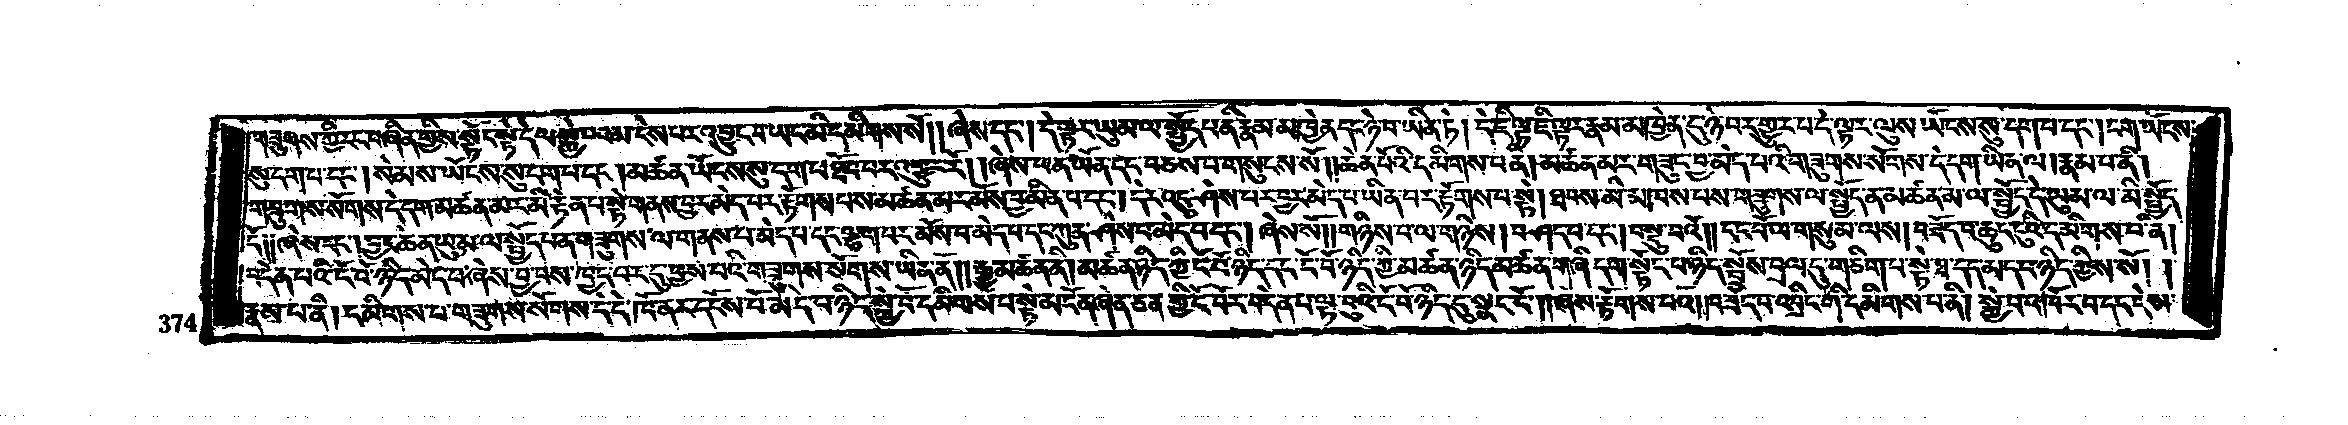གཟུགས་ཀྱི་རང་བཞིན་གྱིས་སྟོང་སྟེ་དེ་ལ་སྐྱེ་བའམ་ངེས་པར་འབྱུང་བ་ཡང་མི་དམིགས་སོ། །ཞེས་དང་། དེ་ལྟར་ཡུམ་ལ་སྤྱོད་པ་ནི་རྣམ་མཁྱེན་དང་ཉེ་བ་ཡིན་ཏེ། དེ་ཇི་ལྟ་ཇི་ལྟར་རྣམ་མཁྱེན་དུ་ཉེ་བར་གྱུར་པ་དེ་ལྟར་ལུས་ཡོངས་སུ་དག་པ་དང་། ངག་ཡོངས་
སུ་དག་པ་དང་། སེམས་ཡོངས་སུ་དག་པ་དང་། མཚན་ཡོངས་སུ་དག་པ་ཐོབ་པར་འགྱུར་རོ། །ཞེས་ཕན་ཡོན་དང་བཅས་པ་གསུངས་སོ། །ཆེན་པོའི་དམིགས་པ་ནི། མཚན་མར་གཟུང་བྱ་མེད་པའི་གཟུགས་སོགས་དེ་དག་ཡིན་ལ། རྣམ་པ་ནི།
གཟུགས་སོགས་དེ་དག་མཚན་མར་མི་རྟེན་པ་སྟེ་གནས་བྱར་མེད་པར་རྟོགས་པས་མཚན་མར་མོས་བྱ་མིན་པ་དང་། དེར་འདུ་ཤེས་པར་བྱར་མེད་པ་ཡིན་པར་རྟོགས་པ་སྟེ། ཐབས་མི་མཁས་པས་གཟུགས་ལ་སྤྱོད་ན་མཚན་མ་ལ་སྤྱོད་དེ་ཡུམ་ལ་མི་སྤྱོད་
དོ། །ཞེས་དང་། བྱང་ཆེན་ཡུམ་ལ་སྤྱོད་པ་ན་གཟུགས་ལ་གནས་པ་མེད་པ་དང་ལྷག་པར་མོས་པ་མེད་པ་དང་ཀུན་ཤེས་པ་མེད་པ་དང་། ཞེས་སོ། །གཉིས་པ་ལ་གཉིས། བཤད་པ་དང་། བསྡུ་བའོ། །དང་པོ་ལ་གསུམ་ལས། བཟོད་པ་ཆུང་ངུའི་དམིགས་པ་ནི།
བདེན་པའི་ངོ་བོ་ཉིད་མེད་པ་ཞེས་བྱ་བས་ཁྱད་པར་དུ་བྱས་པའི་གཟུགས་སོགས་ཡིན་ནོ། །རྒྱུ་མཚན་ནི། མཚན་ཉིད་ཀྱི་ངོ་བོ་ཉིད་དང་ངོ་བོ་ཉིད་ཀྱི་མཚན་ཉིད་མཚན་གཞི་དག་སྟོང་པ་ཉིད་སྤྲོས་བྲལ་དུ་གཅིག་པ་སྟེ་ཐ་དད་མེད་པ་ཉིད་ཀྱིས་སོ། །
རྣམ་པ་ནི། དམིགས་པ་གཟུགས་སོགས་དེ་དེ་ཁོ་ནར་དངོས་པོ་མེད་པ་ཉིད་སྐྱེ་བོ་དམིགས་པ་སྟེ་མངོན་ཞེན་ཅན་གྱི་ངོ་བོར་བདེན་པ་ལྟ་བུའི་ངོ་བོ་ཉིད་དུ་སྣང་ངོ། །ཞེས་རྟོགས་པའོ། །བཟོད་པ་འབྲིང་གི་དམིགས་པ་ནི། སྐྱེ་བ་འཁོར་བ་དང་ངེས་